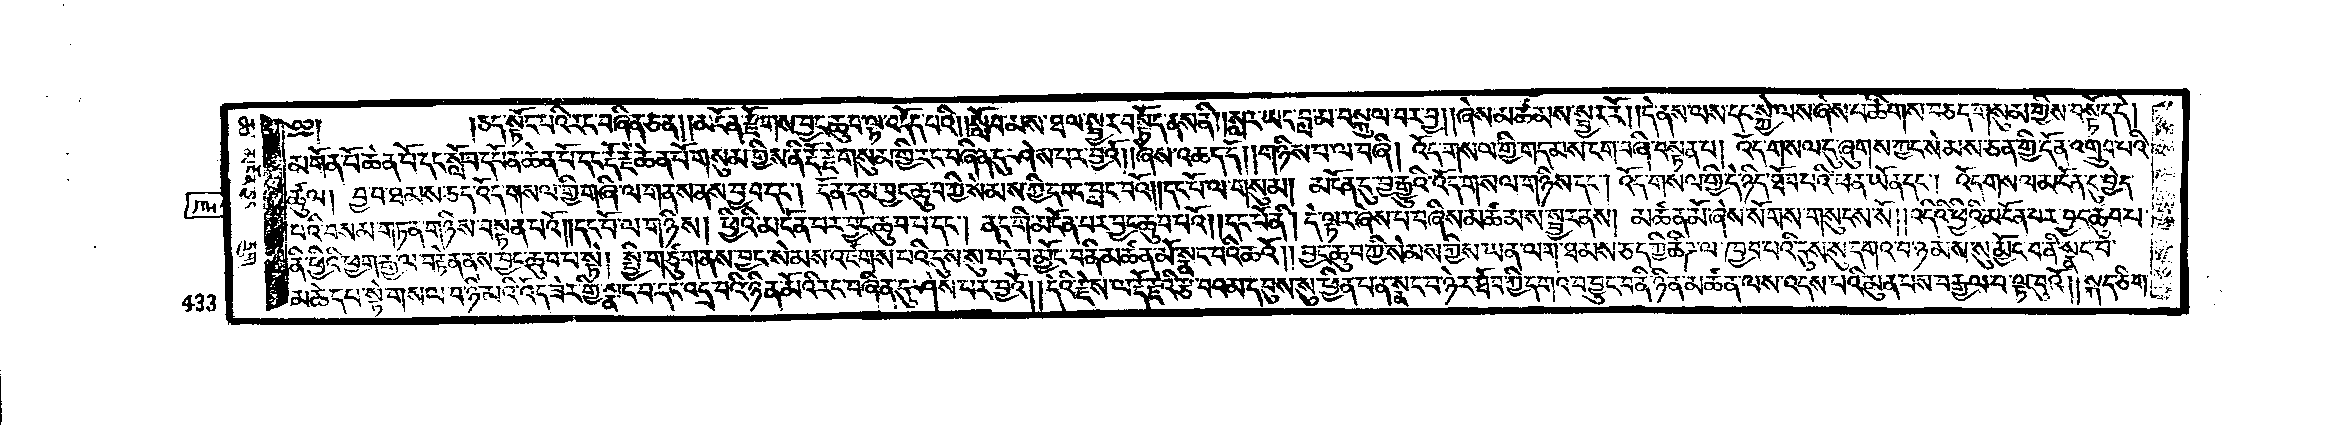༄༅། །ཅད་སྟོང་པའི་རང་བཞིན་ཅན། །མངོན་རྫོགས་བྱང་ཆུབ་ལྟ་འདོད་པའི། །སློབ་མས་ཐལ་སྦྱར་བསྟོད་ནས་ནི། །སླར་ཡང་བླ་མ་བསྐུལ་བར་བྱ། །ཞེས་མཚམས་སྦྱར་རོ། །དེ་ནས་ལས་དང་སྐྱེ་ལས་ཞེས་པ་ཚིགས་བཅད་གསུམ་གྱིས་བསྟོད་དེ།
མགོན་པོ་ཆེན་པོ་དང་སློབ་དཔོན་ཆེན་པོ་དང་རྡོ་རྗེ་ཆེན་པོ་གསུམ་གྱིས་ནི་རྡོ་རྗེ་གསུམ་གྱི་རང་བཞིན་དུ་ཤེས་པར་བྱའོ། །ཞེས་འཆད་དོ། །གཉིས་པ་ལ་བཞི། འོད་གསལ་གྱི་གདམས་ངག་བཞི་བསྟན་པ། འོད་གསལ་དུ་ཞུགས་ཀྱང་སེམས་ཅན་གྱི་དོན་འགྲུབ་པའི་
ཚུལ། བྱ་བ་ཐམས་ཅད་འོད་གསལ་གྱི་གཞི་ལ་གནས་ནས་བྱ་བ་དང་། དོན་དམ་བྱང་ཆུབ་ཀྱི་སེམས་ཀྱི་དབང་བླང་བའོ། །དང་པོ་ལ་གསུམ། མངོན་དུ་བྱ་རྒྱུའི་འོད་གསལ་གཉིས་དང་། འོད་གསལ་གྱི་དེ་ཉིད་ཐོབ་པའི་ཕན་ཡོན་དང་། འོད་གསལ་མངོན་དུ་བྱེད་
པའི་བསམ་གཏན་གཉིས་བསྟན་པའོ། །དང་པོ་ལ་གཉིས། ཕྱིའི་མངོན་པར་བྱང་ཆུབ་པ་དང་། ནང་གི་མངོན་པར་བྱང་ཆུབ་པའོ། །དང་པོ་ནི། དེ་ལྟར་ཞེས་པ་བཞིས་མཚམས་སྦྱར་ནས། མཚན་མོ་ཞེས་སོགས་གསུངས་སོ། །འདིའི་ཕྱིའི་མངོན་པར་བྱང་ཆུབ་པ་
ནི་ཕྱིའི་ཕྱག་རྒྱ་ལ་བརྟེན་ནས་བྱང་ཆུབ་པ་སྟེ། སྤྱི་གཙུག་ནས་བྱང་སེམས་འཛགས་པའི་དུས་སུ་བདེ་བ་མྱོང་བ་ནི་མཚན་མོ་སྣང་བའི་ཆའོ། །བྱང་ཆུབ་ཀྱི་སེམས་ཀྱིས་ཡན་ལག་ཐམས་ཅད་ཀྱི་ཚིགས་ལ་ཁྱབ་པའི་དུས་སུ་དགའ་བ་ཉམས་སུ་མྱོང་བ་ནི་སྣང་བ་
མཆེད་པ་སྟེ་གསལ་བ་ཉི་མའི་འོད་ཟེར་གྱི་སྣང་བ་དང་འདྲ་བའི་ཉིན་མོའི་རང་བཞིན་དུ་ཤེས་པར་བྱའོ། །དེའི་རྗེས་ལ་རྡོ་རྗེའི་རྩ་བའམ་དབུས་སུ་ཕྱིན་པ་ན་སྣང་བ་ཉེར་ཐོབ་ཀྱི་དགའ་བ་བྱུང་བ་ནི་ཉིན་མཚན་ལས་འདས་པའི་མུན་པས་བརྒྱལ་བ་ལྟ་བུའོ། །སྐད་ཅིག་